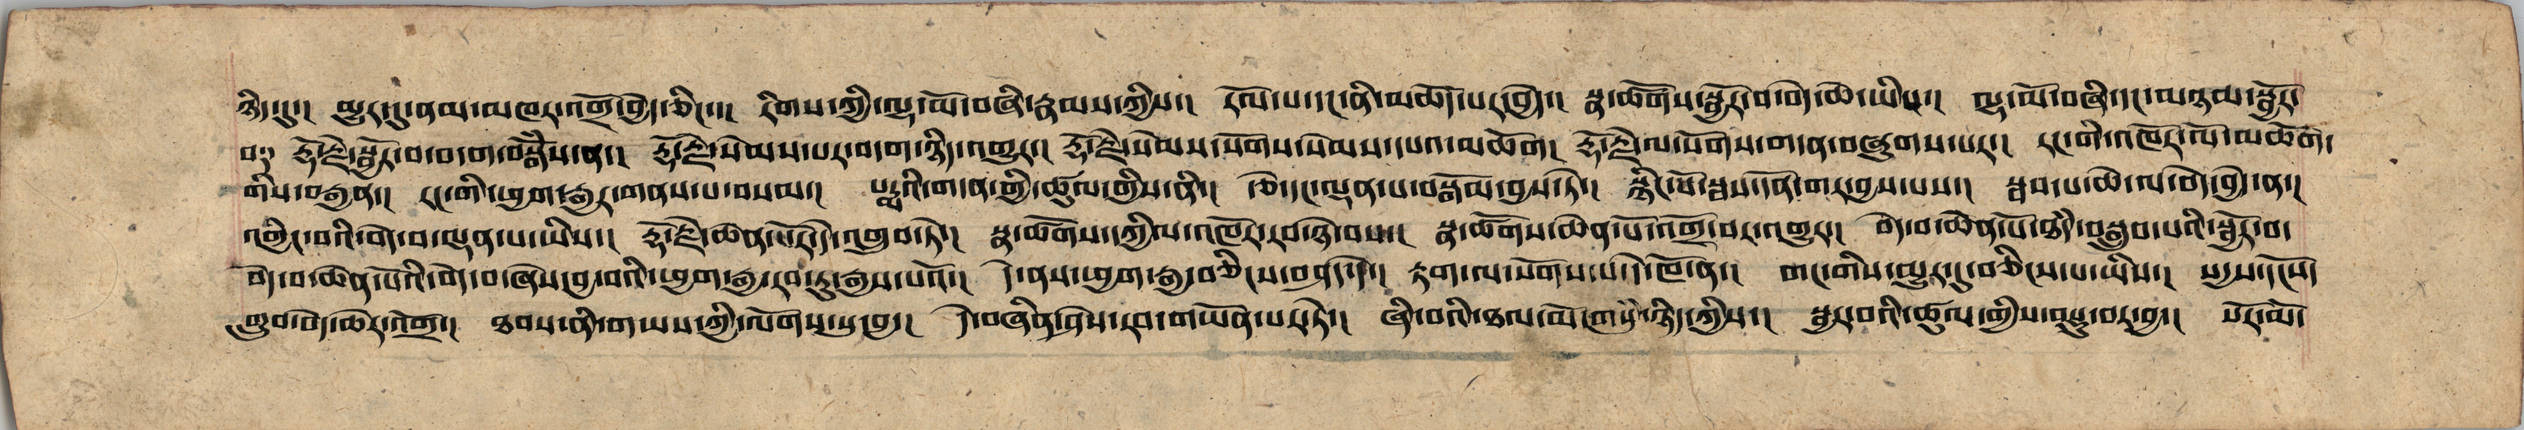ཉིད་དུ་། མྱུར་དུ་ནམ་མཁར་འགྲོ་བྱེད་ཅིང་་། རིགས་ཀྱི་ལྷ་མོ་བཞི་རྣམས་ཀྱིས་། རོལ་པ་དང་ནི་མཆོད་པར་བྱེད་། སྣ་ཚོགས་སྦྱོར་བ་བདེ་ཆེ་ཡིས་། ལྷ་མོ་བཞི་དང་མཉམ་སྦྱོར་
པ༑ རྡོ་རྗེ་སྦྱོར་བ་བདག་བསྒོཾམ་ན། རྡོ་རྗེ་སེམས་པར་བདག་ཉིད་འགྱུར་། རྡོ་རྗེ་སེམས་སོགས་སེམས་དཔའ་མཆོག། རྡོ་རྗེ་ལ་སོགས་གདན་བཞུགས་པར་། རང་གི་འཁོར་ལོ་མཆོག་
གིས་བརྒྱན་། རང་གི་ཕྱག་རྒྱར་གནས་པ་བསམ་། པདྨའི་གདན་གྱི་ཚུལ་གྱིས་ནི་། རྩེ་དང་ལྡན་པ་བསྒོམ་བྱས་ཏེ་། སྙིང་པོ་སྦས་དོན་གར་བྱས་པས་། སྦས་པ་ཆེ་ལ་བདེ་བྱེད་ན་།
འགྱིང་བའི་བདེ་བ་ལྡན་པ་ཡིས་། རྡོ་རྗེ་ཆེན་པོར་དེ་འགྲུབ་ཏེ་། སྣ་ཚོགས་དཀྱིལ་འཁོར་རབ་ཉེ་བས་། སྣ་ཚོགས་ཆེན་པོ་འགྲོ་བར་འགྱུར་། བདེ་བ་ཆེན་པོ་ཐདཾ་བསྒྲུབ་པའི་སྦྱོར་བ་
བདེ་བ་ཆེན་པོའི་བདེ་བ་ཞེས་བྱ་བའི་ཕྱག་རྒྱ་རབ་ཏུ་རྒྱས་པའོ་། དེ་ནས་ཕྱག་རྒྱ་བཅིངས་བཤད་དེ་། རྟག་ལ་སོགས་པ་དེ་ཁོ་ན་། གང་གིས་མྱུར་དུ་བཅིངས་པ་ཡིས་། སདྱས་དངོས་
གྲུབ་བདེ་ཆེར་འགྲོ་། ཐབས་ནི་གཡས་ཀྱི་ལོགས་སུ་བྱ་། དེ་བཞིན་ཤེས་རབ་གཡོན་པར་ཏེ་། ཞི་བའི་ཐལ་མོ་གསུཾ་ཉིད་ཀྱིས་། སྦྱར་བའི་ཚུལ་གྱིས་བསྡུ་བར་བྱ་། སོར་མོ་